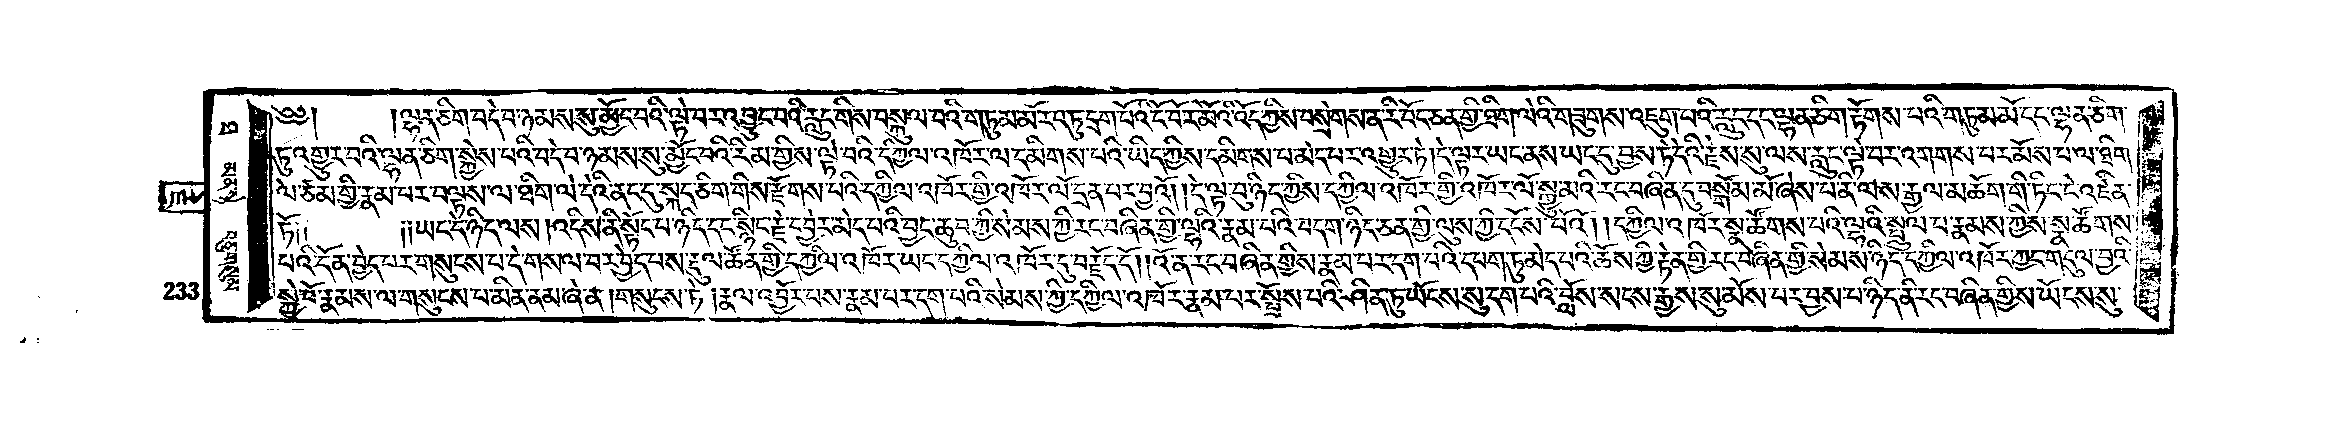༄༅། །ལྷན་ཅིག་བདེ་བ་ཉམས་སུ་མྱོང་བའི་ལྟེ་བར་འབྱུང་བའི་རླུང་གིས་བསྐུལ་བའི་གཏུམ་མོ་རབ་ཏུ་དྲག་པོའི་ངོ་བོ་རི་མོའི་འོད་ཀྱིས་བསྲེགས་ན་རི་བོང་ཅན་གྱི་ཐིག་ལེའི་གཟུགས་འཇུག་པའི་རླུང་དང་ལྷན་ཅིག་རྟོགས་པའི་གཏུམ་མོ་དང་ལྷན་ཅིག་
ཏུ་འགྱུར་བའི་ལྷན་ཅིག་སྐྱེས་པའི་བདེ་བ་ཉམས་སུ་མྱོང་བའི་རིམ་གྱིས་ལྟེ་བའི་དཀྱིལ་འཁོར་ལ་དམིགས་པའི་ཡིད་ཀྱིས་དམིགས་པ་མེད་པར་འགྱུར་ཏེ། དེ་ལྟར་ཡང་ནས་ཡང་དུ་བྱས་ཏེ་དེའི་རྗེས་སུ་ལས་རླུང་ལྟེ་བར་འགགས་པར་མོས་པ་ལ་ཐིག་
ལེ་ཙམ་གྱི་རྣམ་པར་བལྟས་ལ་ཐིག་ལེ་དེའི་ནང་དུ་སྐད་ཅིག་གིས་རྫོགས་པའི་དཀྱིལ་འཁོར་གྱི་འཁོར་ལོ་དྲན་པར་བྱའོ། །དེ་ལྟ་བུ་ཉིད་ཀྱིས་དཀྱིལ་འཁོར་གྱི་འཁོར་ལོ་སྒྱུ་མའི་རང་བཞིན་དུ་བསྒོམ་མོ་ཞེས་པ་ནི་ལས་རྒྱལ་མཆོག་གི་ཏིང་ངེ་འཛིན་
ཏོ།། །།ཡང་དེ་ཉིད་ལས། འདིས་ནི་སྟོང་པ་ཉིད་དང་སྙིང་རྗེ་དབྱེར་མེད་པའི་བྱང་ཆུབ་ཀྱི་སེམས་ཀྱི་རང་བཞིན་གྱི་ལྷའི་རྣམ་པའི་བདག་ཉིད་ཅན་གྱི་ལུས་ཀྱི་དངོས་པོའོ། །དཀྱིལ་འཁོར་སྣ་ཚོགས་པའི་ལྷའི་སྤྲུལ་པ་རྣམས་ཀྱིས་སྣ་ཚོགས་
པའི་དོན་བྱེད་པར་གསུངས་པ་དེ་གསལ་བར་བྱེད་པས་རྡུལ་ཚོན་གྱི་དཀྱིལ་འཁོར་ཡང་དཀྱིལ་འཁོར་དུ་བརྗོད་དོ། །འོ་ན་རང་བཞིན་གྱིས་རྣམ་པར་དག་པའི་དཔག་ཏུ་མེད་པའི་ཆོས་ཀྱི་རྟེན་གྱི་རང་བཞིན་གྱི་སེམས་ཉིད་དཀྱིལ་འཁོར་ཀྱང་གདུལ་བྱའི་
སྐྱེ་བོ་རྣམས་ལ་གསུངས་པ་མིན་ནམ་ཞེ་ན། གསུངས་ཏེ། རྣལ་འབྱོར་པས་རྣམ་པར་དག་པའི་སེམས་ཀྱི་དཀྱིལ་འཁོར་རྣམ་པར་སྤྲོས་པའི་ཤིན་ཏུ་ཡོངས་སུ་དག་པའི་བློས་སངས་རྒྱས་སུ་མོས་པར་བྱས་པ་ཉིད་ནི་རང་བཞིན་གྱིས་ཡོངས་སུ་